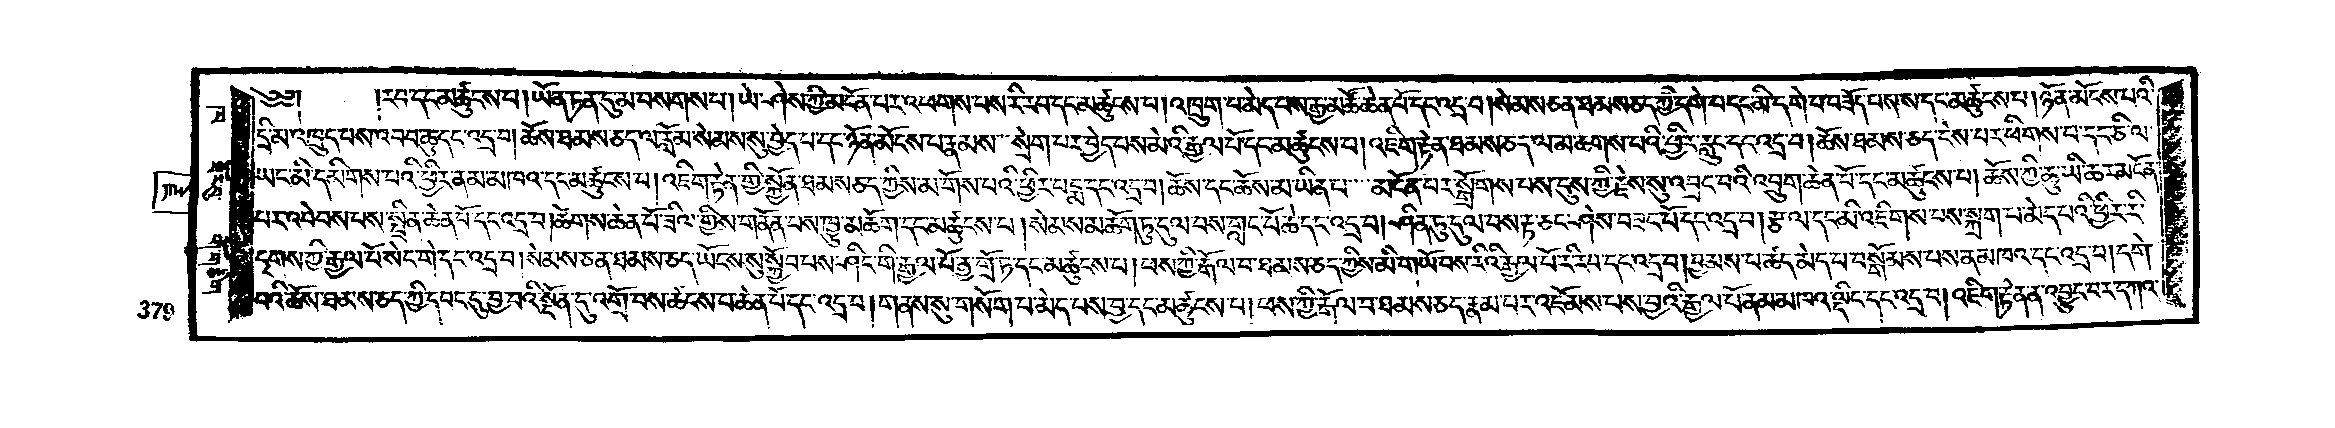༄༅།།རབ་དང་མཚུངས་པ། ཡོན་ཏན་དུ་མ་བསགས་པ། ཡེ་ཤེས་ཀྱི་མངོན་པར་འཕགས་པས་རི་རབ་དང་མཚུངས་པ། འཁྲུག་པ་མེད་པས་རྒྱ་མཚོ་ཆེན་པོ་དང་འདྲ་བ། སེམས་ཅན་ཐམས་ཅད་ཀྱི་དགེ་བ་དང་མི་དགེ་བ་བཟོད་པས་ས་དང་མཚུངས་པ། ཉོན་མོངས་པའི་
དྲི་མ་འཁྲུད་པས་འབབ་ཆུ་དང་འདྲ་བ། ཆོས་ཐམས་ཅད་ལ་རློམ་སེམས་སུ་བྱེད་པ་དང་ཉོན་མོངས་པ་རྣམས་སྲེག་པར་བྱེད་པས་མེའི་རྒྱལ་པོ་དང་མཚུངས་པ། འཇིག་རྟེན་ཐམས་ཅད་ལ་མ་ཆགས་པའི་ཕྱིར་རླུང་དང་འདྲ་བ། ཆོས་ཐམས་ཅད་ངེས་པར་ཕིགས་པ་དང་ཅི་ལ་
ཡང་མི་དམིགས་པའི་ཕྱིར་ནམ་མཁའ་དང་མཚུངས་པ། འཇིག་རྟེན་གྱི་སྐྱོན་ཐམས་ཅད་ཀྱིས་མ་གོས་པའི་ཕྱིར་པདམ་དང་འདྲ་བ། ཆོས་དང་ཆོས་མ་ཡིན་པ་མངོན་པར་སྒྲོགས་པས་དུས་ཀྱི་རྗེས་སུ་འབྲང་བའི་འབྲུག་ཆེན་པོ་དང་མཚུངས་པ། ཆོས་ཀྱི་ཆུ་ཡི་ཆར་མངོན་
པར་འབེབས་པས་སྤྲིན་ཆེན་པོ་དང་འདྲ་བ། ཚོགས་ཆེན་པོ་ཟིལ་གྱིས་གནོན་པས་ཁྱུ་མཆོག་དང་མཚུངས་པ། སེམས་མཆོག་ཏུ་དུལ་བས་གླང་པོ་ཆེ་དང་འདྲ་བ། ཤིན་ཏུ་དུལ་བས་རྟ་ཅང་ཤེས་བཟང་པོ་དང་འདྲ་བ། རྩལ་དང་མི་འཇིགས་པས་སྐྲག་པ་མེད་པའི་ཕྱིར་རི་
དྭགས་ཀྱི་རྒྱལ་པོ་སེང་གེ་དང་འདྲ་བ། སེམས་ཅན་ཐམས་ཅད་ཡོངས་སུ་སྐྱོབ་པས་ཤིང་གི་རྒྱལ་པོ་ཉ་གྲོ་ཏ་དང་མཚུངས་པ། ཕས་ཀྱི་རྒོལ་བ་ཐམས་ཅད་ཀྱིས་མི་གཡོ་བས་རིའི་རྒྱལ་པོ་རི་རབ་དང་འདྲ་བ། བྱམས་པ་ཚད་མེད་པ་བསྒོམས་པས་ནམ་མཁའ་དང་འདྲ་བ། དགེ་
བའི་ཆོས་ཐམས་ཅད་ཀྱི་དབང་དུ་བྱ་བའི་སྔོན་དུ་འགྲོ་བས་ཚངས་པ་ཆེན་པོ་དང་འདྲ་བ། གནས་སུ་གསོག་པ་མེད་པས་བྱ་དང་མཚུངས་པ། ཕས་ཀྱི་རྒོལ་བ་ཐམས་ཅད་རྣམ་པར་འཇོམས་པས་བྱའི་རྒྱལ་པོ་ནམ་མཁའ་ལྡིང་དང་འདྲ་བ། འཇིག་རྟེན་ན་འབྱུང་བར་དཀའ་